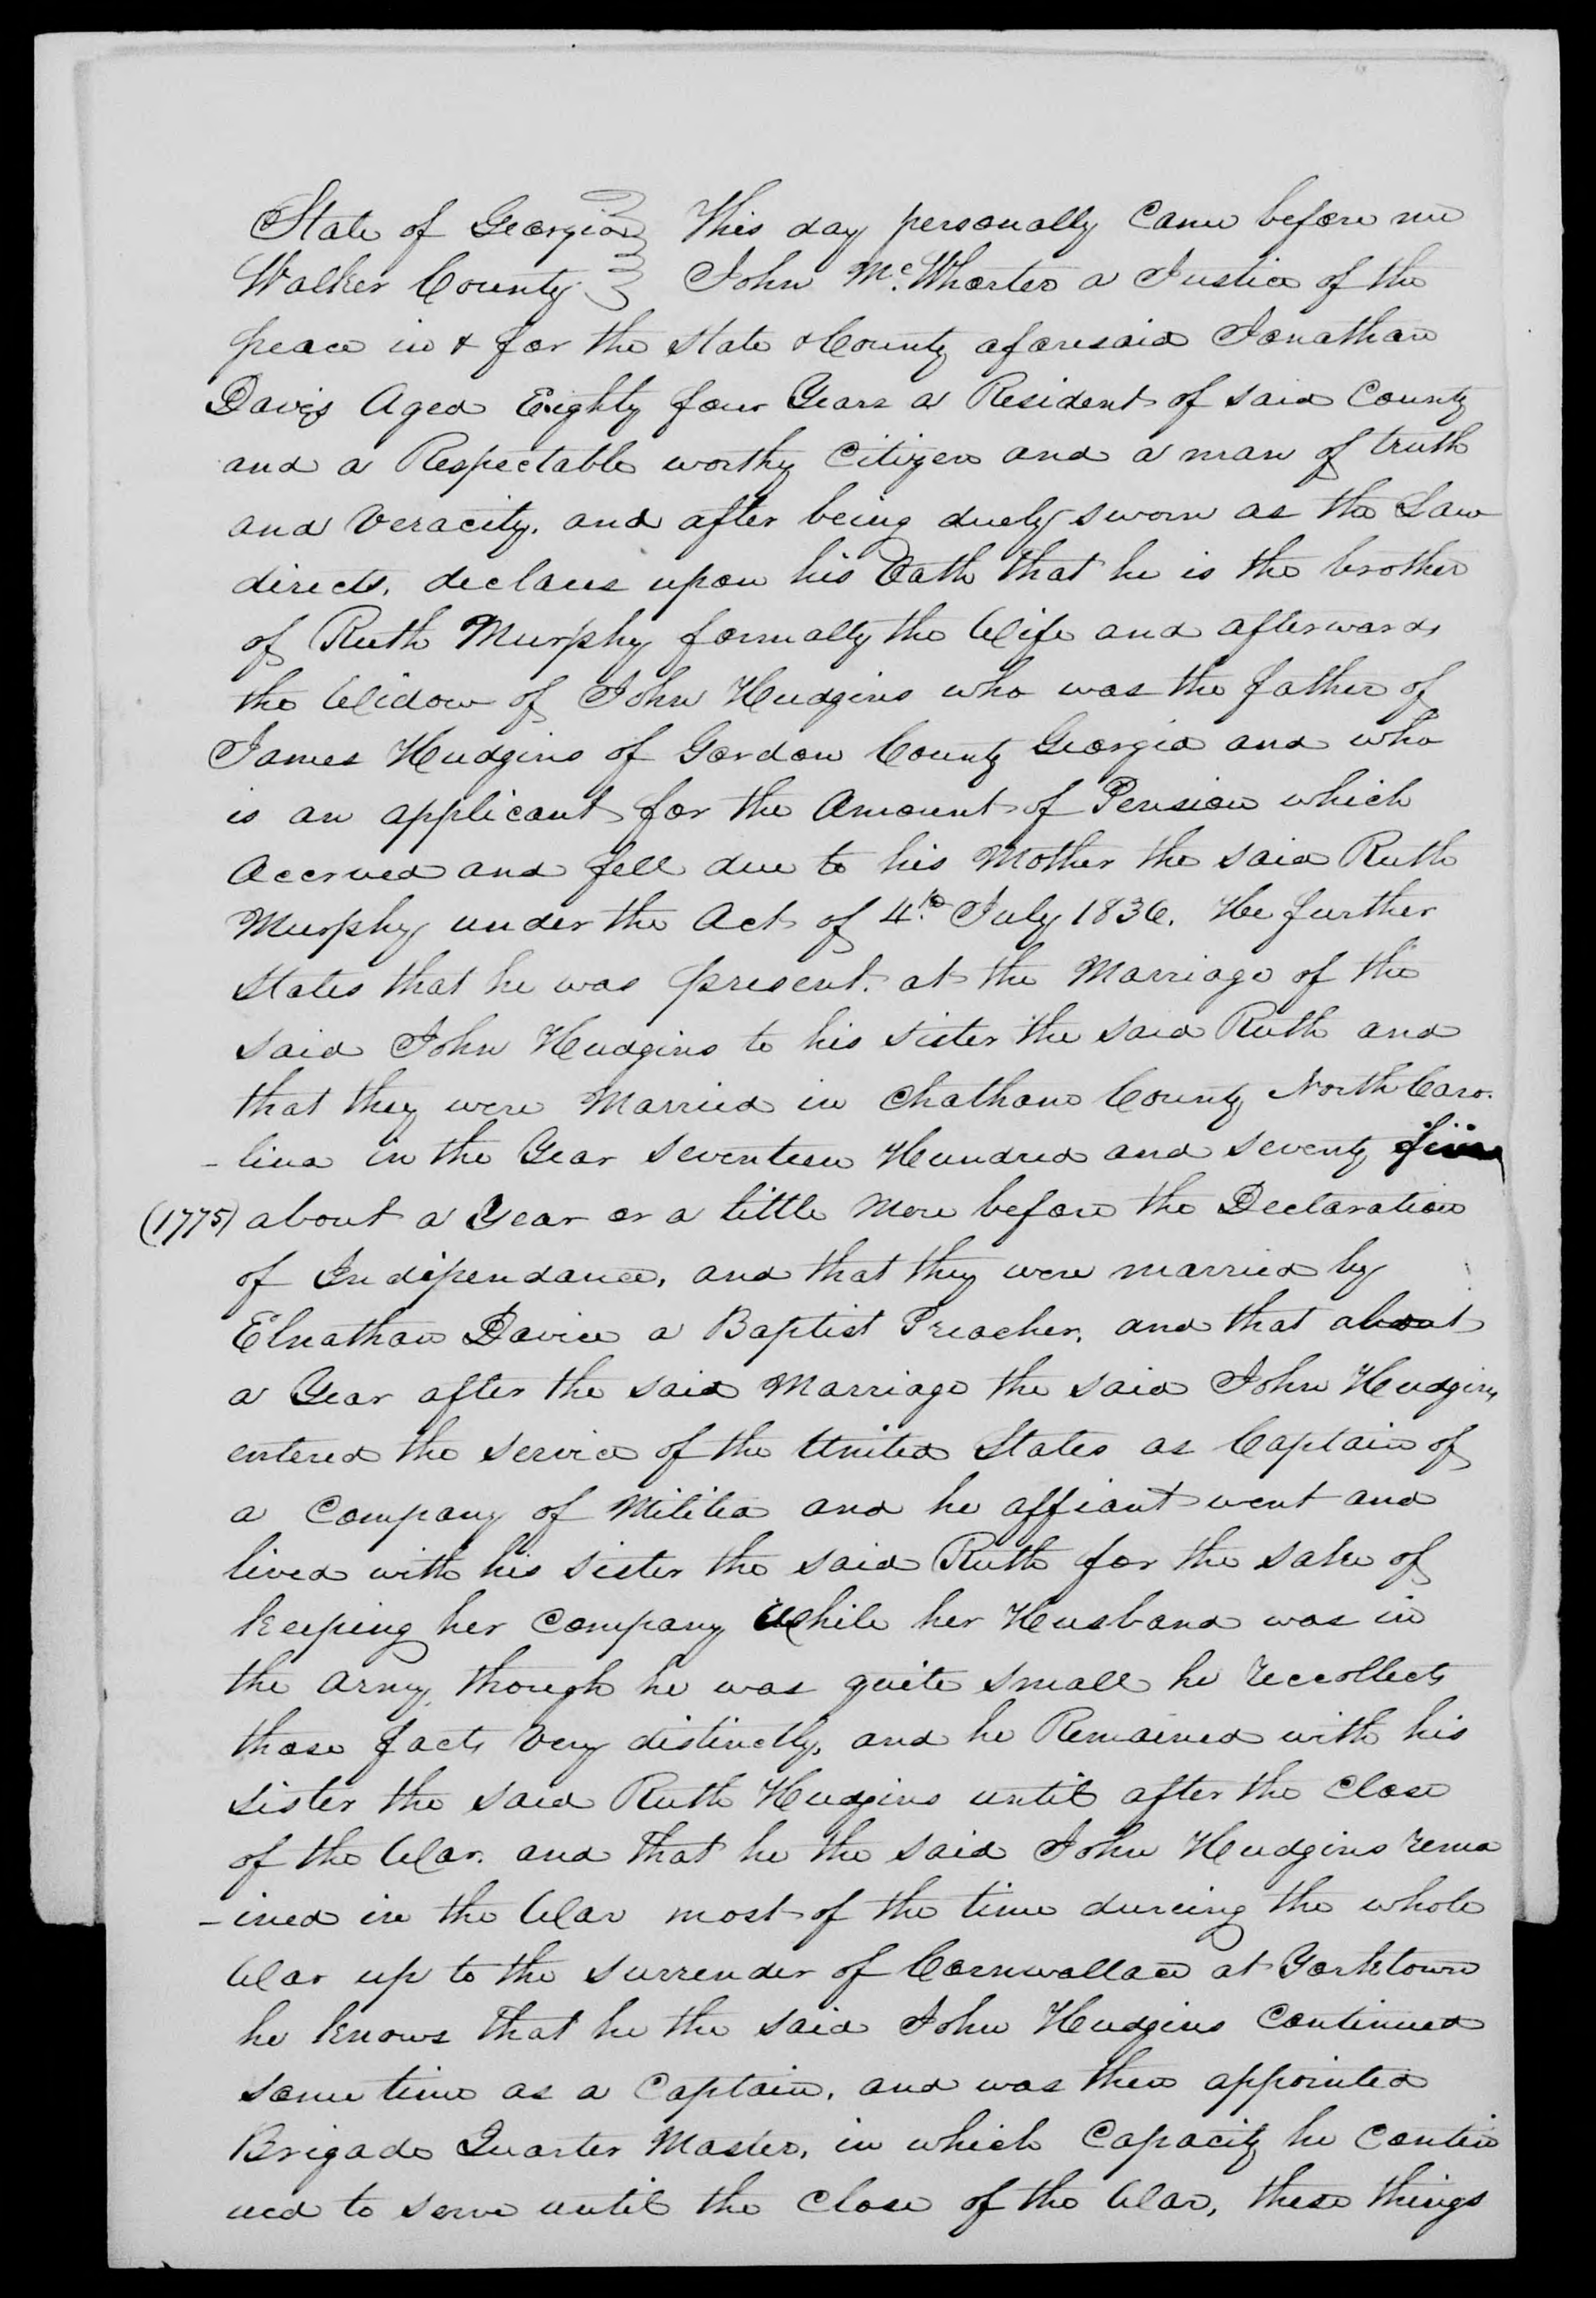State of Georgia Walker County
This day personally came before me John McWhorter a Justice of the Pease in & for the state & county aforesaid Jonathan Davis aged eighty four years a resident of said county and a respectable worthy citizen and a man of truth and veracity and after being duly sworn as the saw directs declares upon his oath that he is the brother of Ruth Murphy formally the wife and afterwards the widow of John Hudgins who was the father of James Hudgins of Gordon County Georgia and who is an applicant for the amount of pension which accrued and fell due to his mother the said Ruth Murphy under the Act of 4th July 1836. He further states that he was present at the marriage of the said John Hudgins to his sister the said Ruth and that they were married in Chatham County North Carolina in the year seventeen hundred and seventy five (1775) about a year or a little more before the Declaration of Independence and that they were married by Elnathan Davis a Baptist Preacher and that about a year after the said marriage the said John Hudgins entered the service of the United States as Captain of a company of militia and he officant went and lived with his sister the said Ruth for the safe of keeping her company while her husband was in the army though he was quite small he recollected those facts very distinctly and he remained with his sister the said Ruth Hudgins until after the close of the war and that he the said John Hudgins remaine din the war most of the time during the whole ware up to the surrender of Cornwallace at Yorktown. He knows that he the said John Hudgins continued some time as a captain, and was the appointed Brigado Quarter Master, in which capacity he continued to serve until the close of the War. These things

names: Ruth Murphy, Elnathan Davis, John Mc Whorter, John Hudgins, James Hudgins, Jonathan Davis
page: 80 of 108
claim: rejected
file: R. 7,515, John Hudgins, N.C.